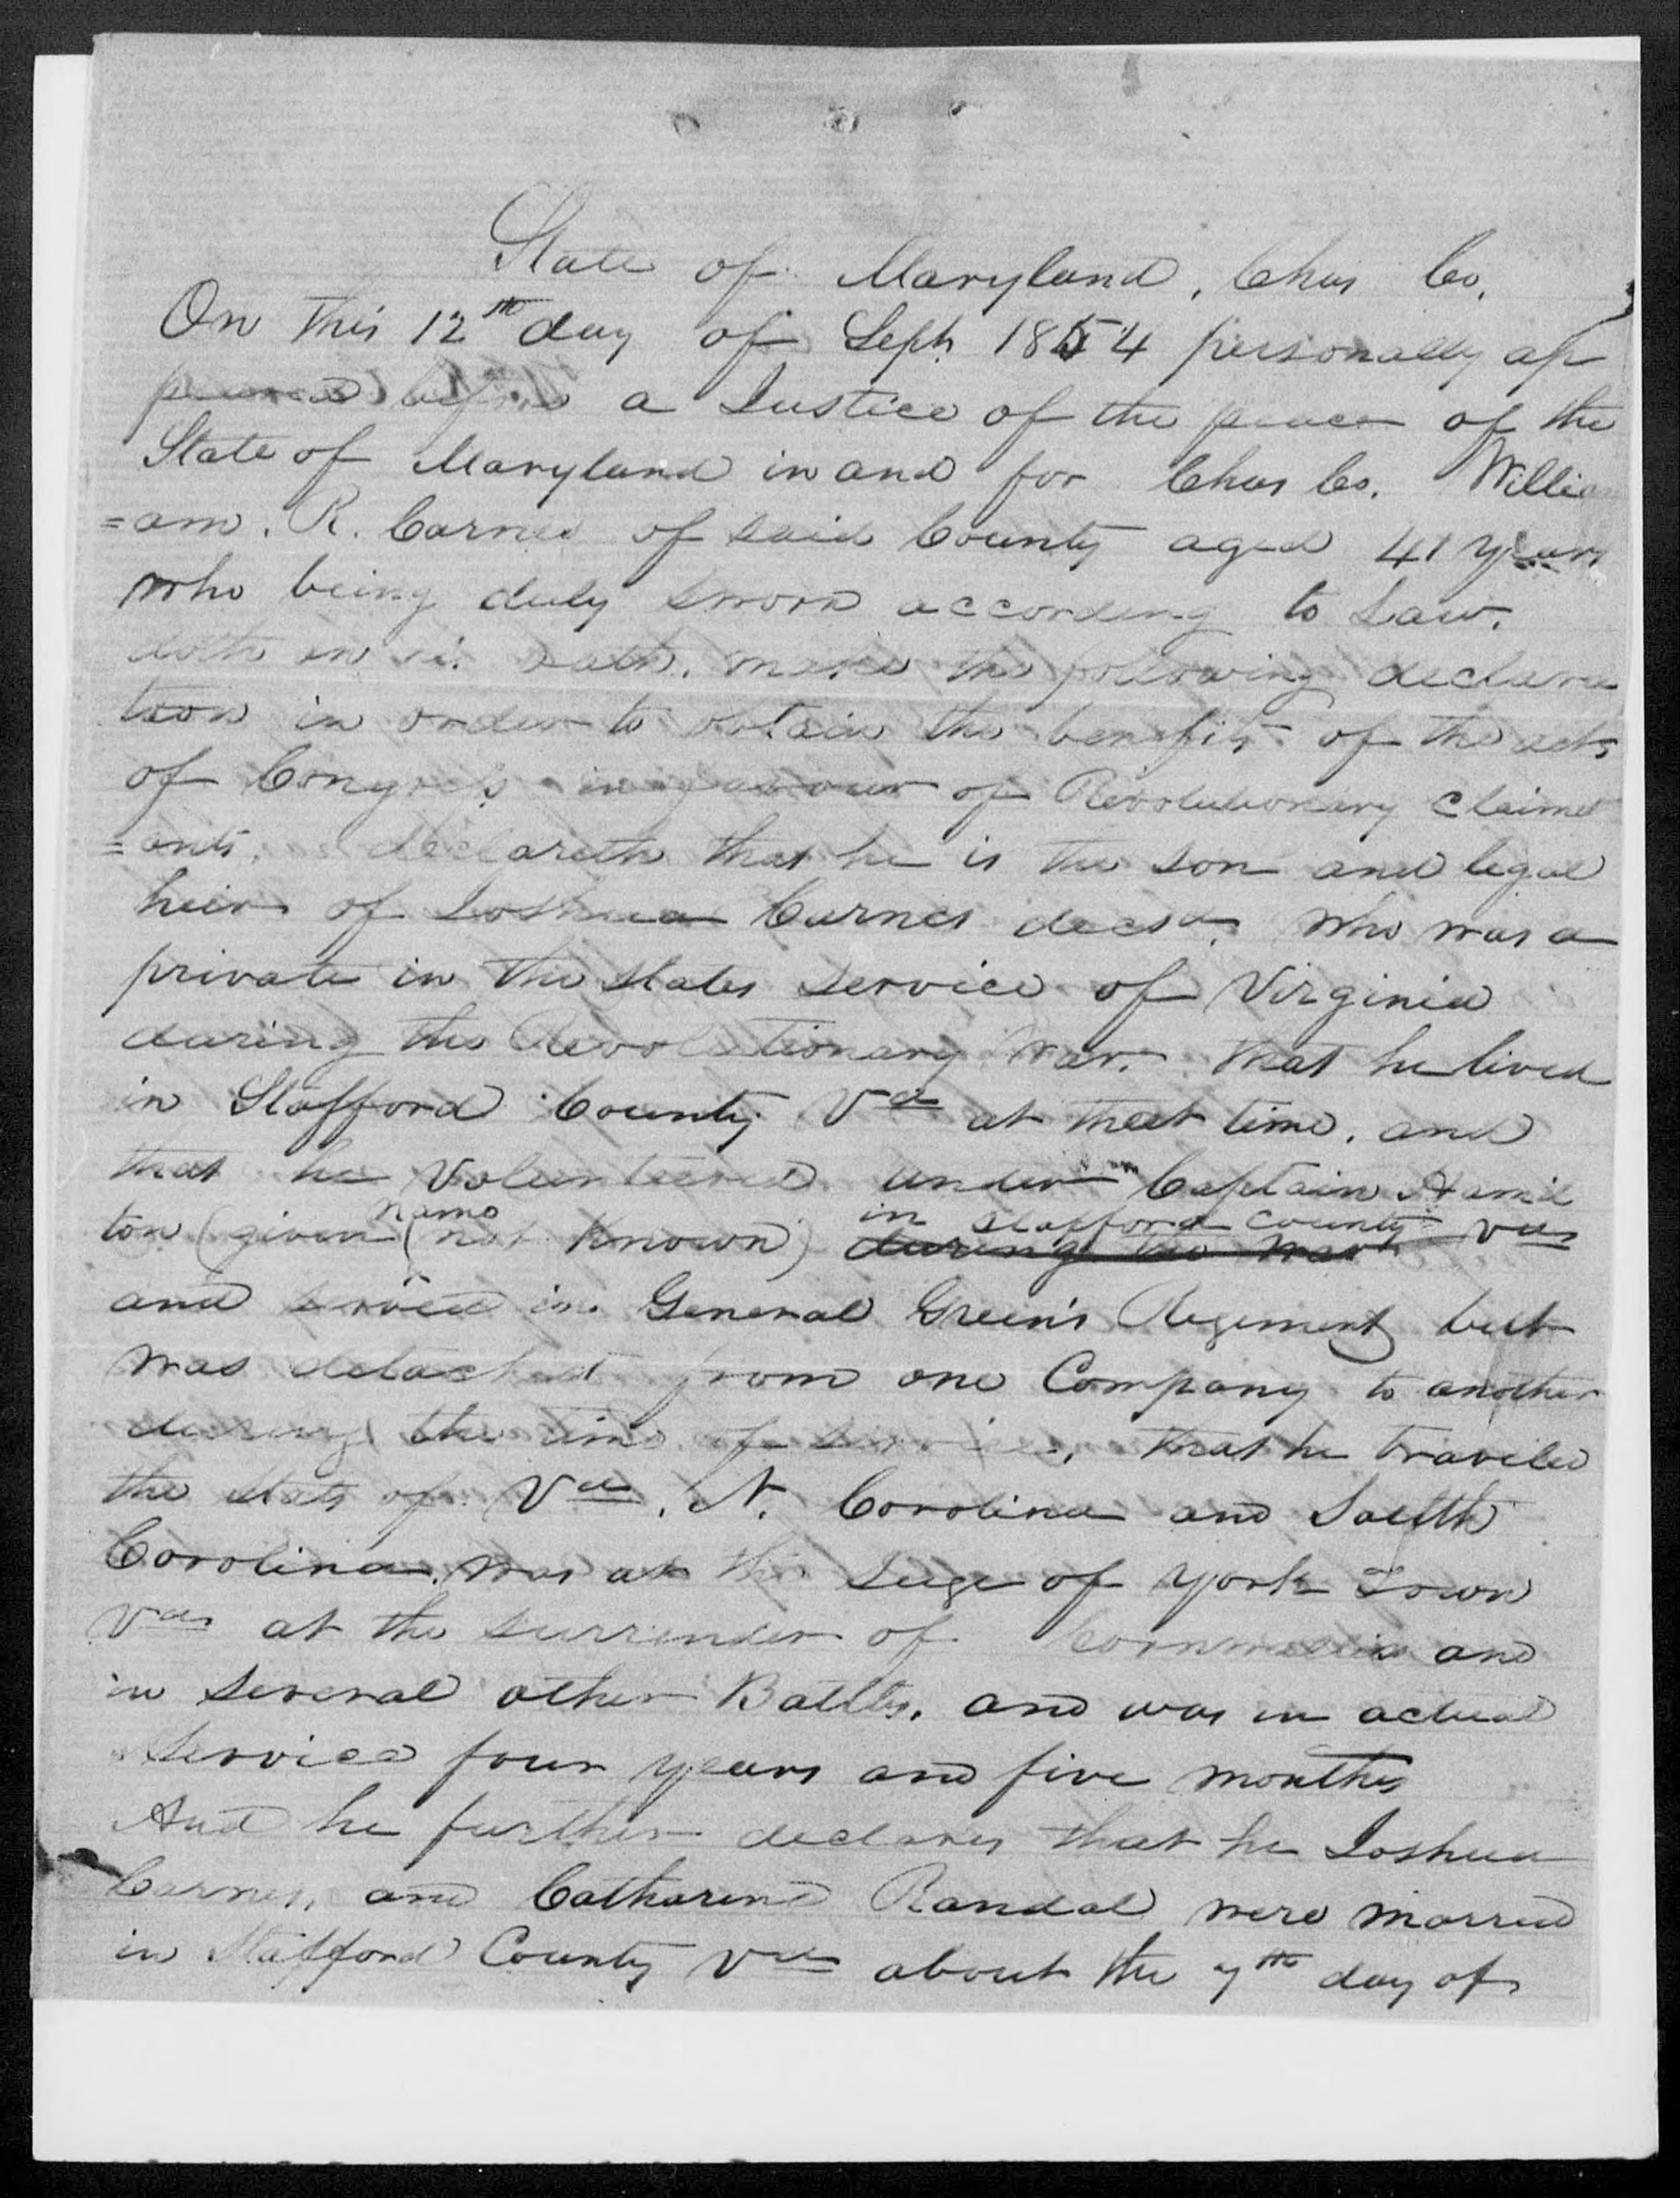State of Maryland, Char Co. 
On this 12th day of Sept 1854 personally appeared before a Justice of the peace of the State of Maryland in and for Char Co. William R. Carnes of said County aged 41 years who being duly sworn according to Law doth on his oath make the following declaration  in order to obtain the benefits of the acts of Congress in support of Revolutionary claims and declareth that he is the son and legal heir of Joshua Carnes deceased who was a private in the state service of Virginia in Stafford County Va of that time. And that he  volunteered under Captain Hamilton (given name not known) in Stafford County Va and served in General Green’s [Greene's] Regiment but was detached from one company to another. The  states of Va, North Carolina and South Carolina.  Was at the Siege of Yorktown] Va at the surrender of Cornwallis and in several other battles and was in  active service four years and five months. And he further declares that he Joshua Carnes and Catherine Randall were married in Stafford County Va about the 7th day of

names: Hamilton, Joshua Carnes, Joshua Carnes, Catharine Randal, William R Carnes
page: 12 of 22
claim: rejected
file: R 1709, Joshua Carnes, Va.